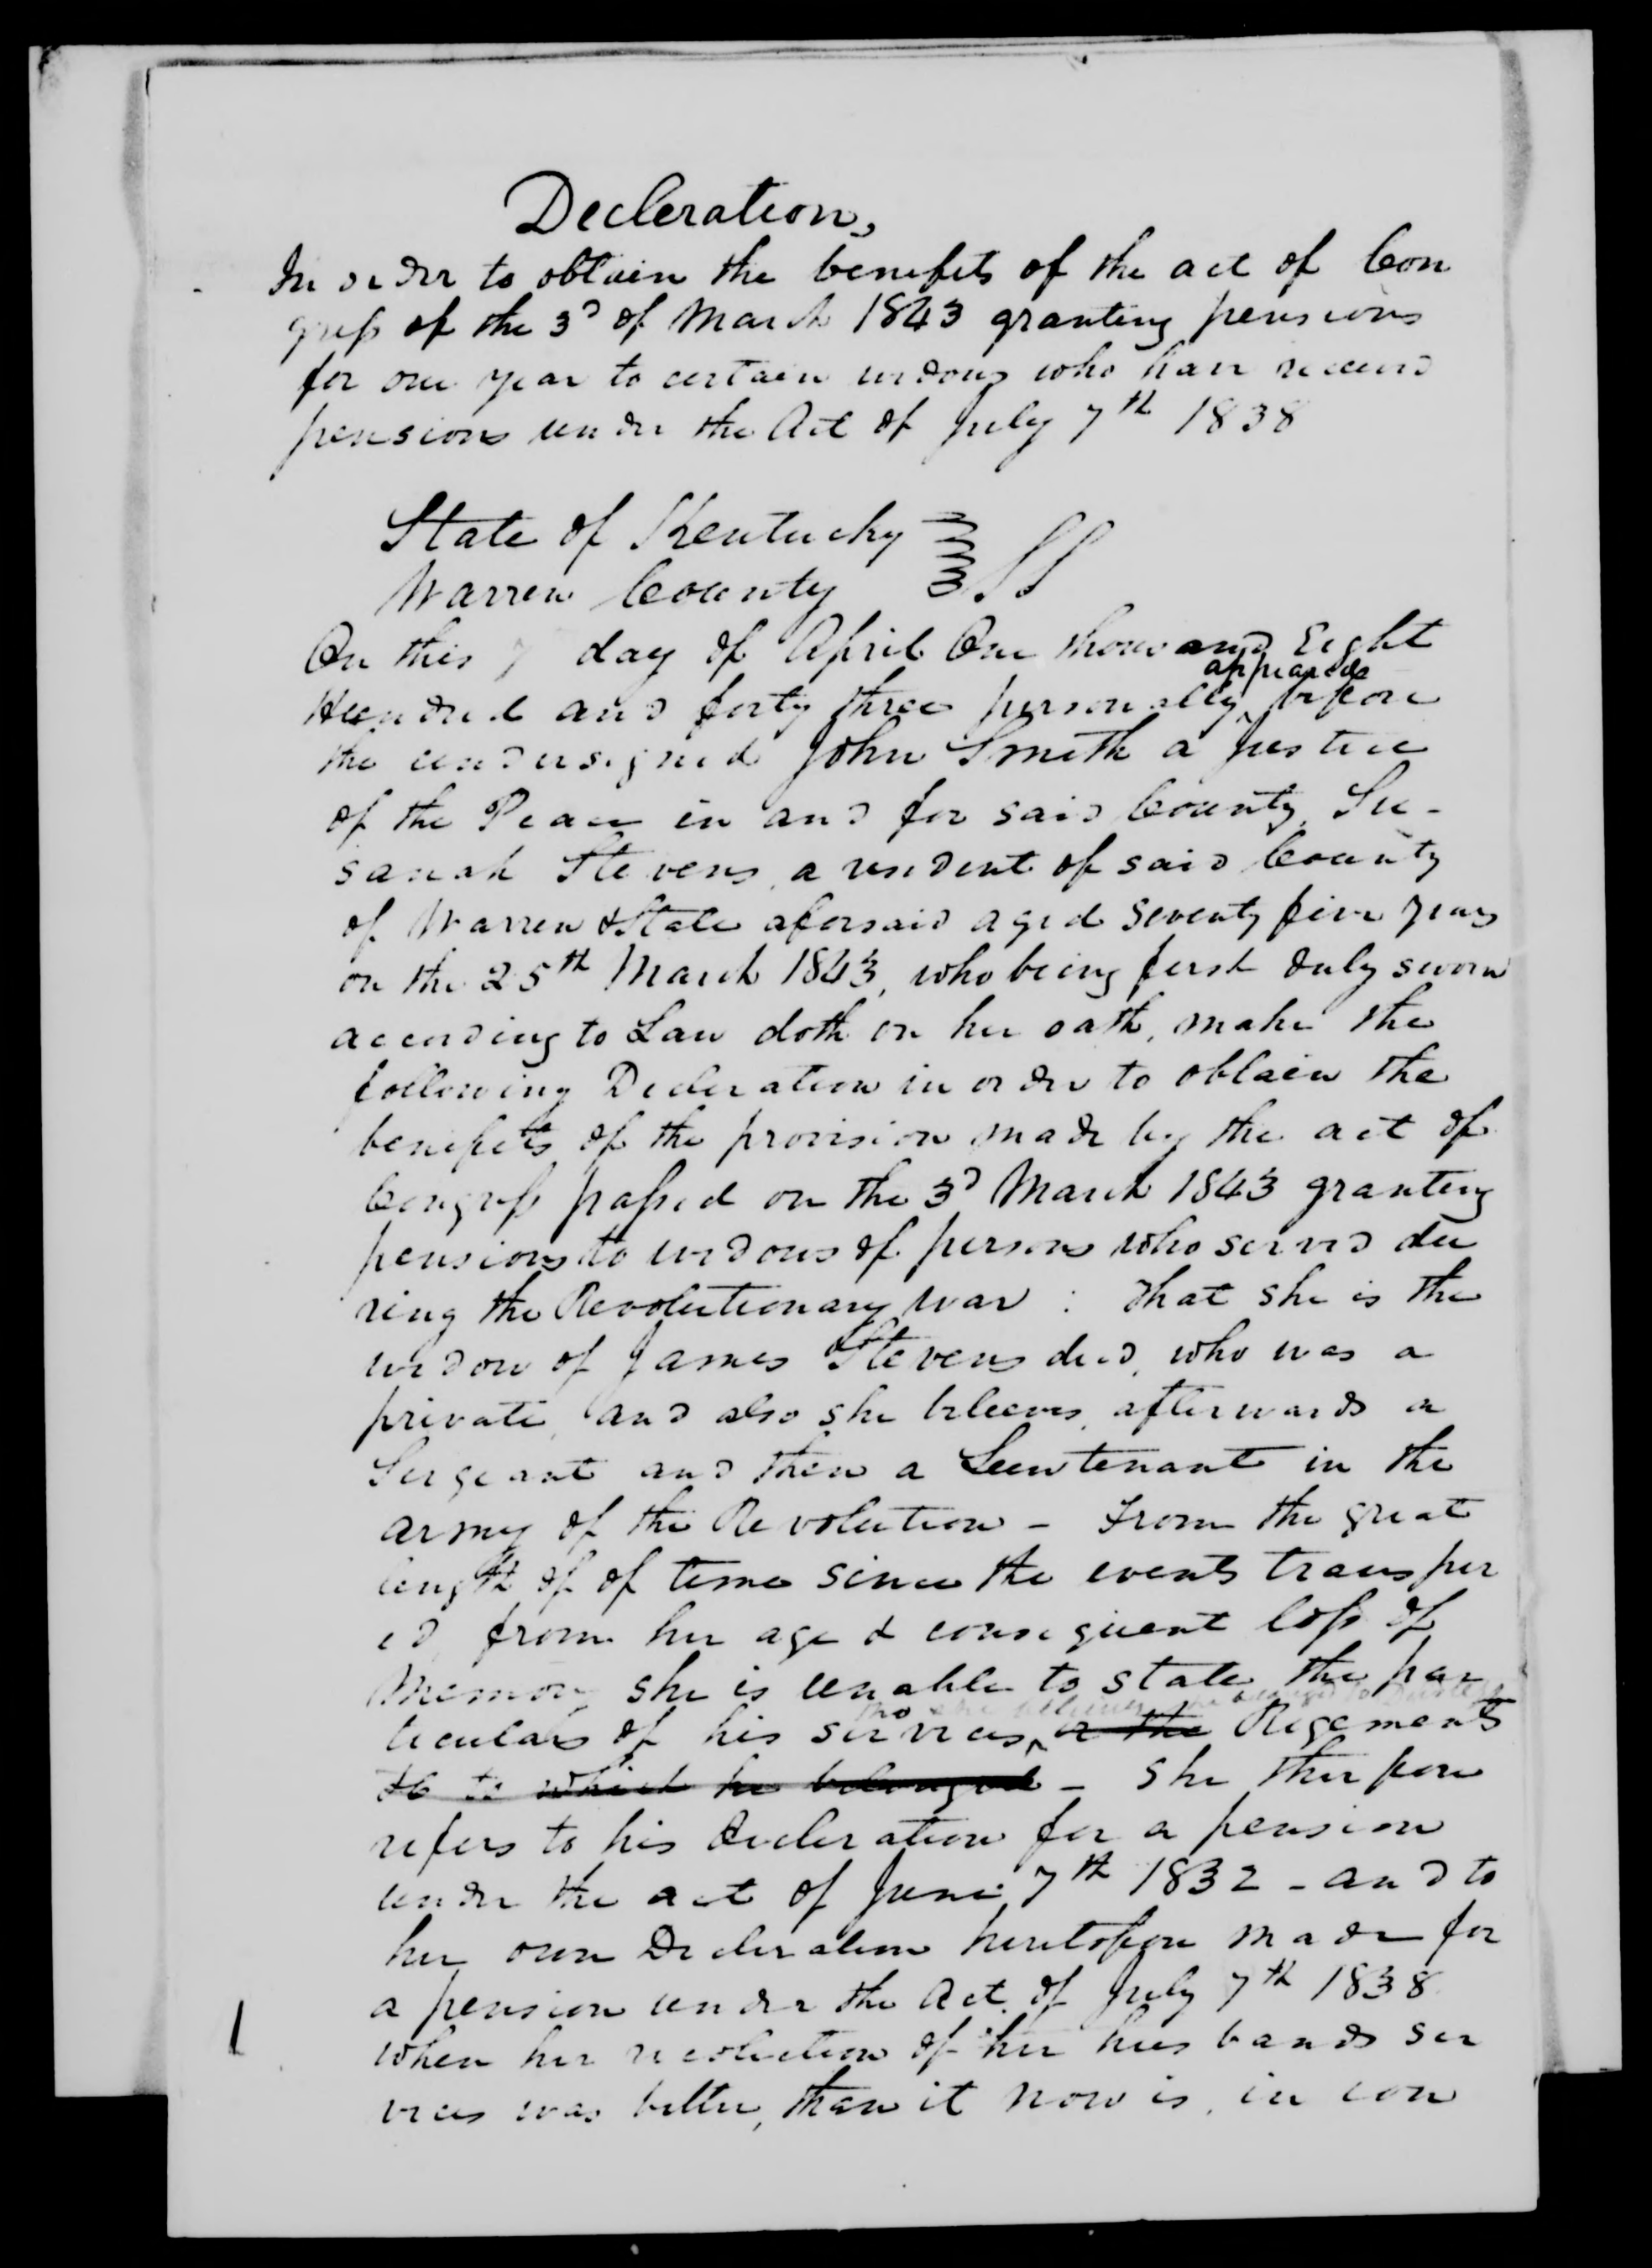Decleration
In order to obtain the benefits of the act of Congress of the 3d of March 1843 granting pensions for one year to certain widows who have received pensions under the Act of July 7th 1838
State of Kentucky
Warren County  SS
On this 7 day of April One thousand Eight hundred and forty three personally appeared before the undersigned John Smith a Justice of the Peace in and for said County, Susanah Stevens, a resident of said County of Warren & State aforsaid aged seventy five years on the 25th March 1843, who being first duly sworn according to Law doth on her oath, make the following Decleration in order to obtain the benefits of the provision made by the act of Congress passed on the 3d March 1843 granting pensions to widows of persons who served during the Revolutionary War: That she is the widow of James Stevens decd, who was a private and also she believes afterwards a Sergeant and then a Lieutenant in the army of the Revolution - From the great length of of time since the events transpired from her age & consequent loss of memory she is unable to state the particulars of his services, tho she believes [illegible] or the [or the crossed out] Regements to which he belonged [to which he belonged crossed out] - she therfore refers to his declaration for a pension under the act of June 7th 1832 - and to her own Declaration heretofore made for a pension undr the Act of July 7th 1838 when her recolection of her husbands services was better, than it now is, in con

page: 84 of 99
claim: widow's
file: W 8766, for James Stevens, Virginia